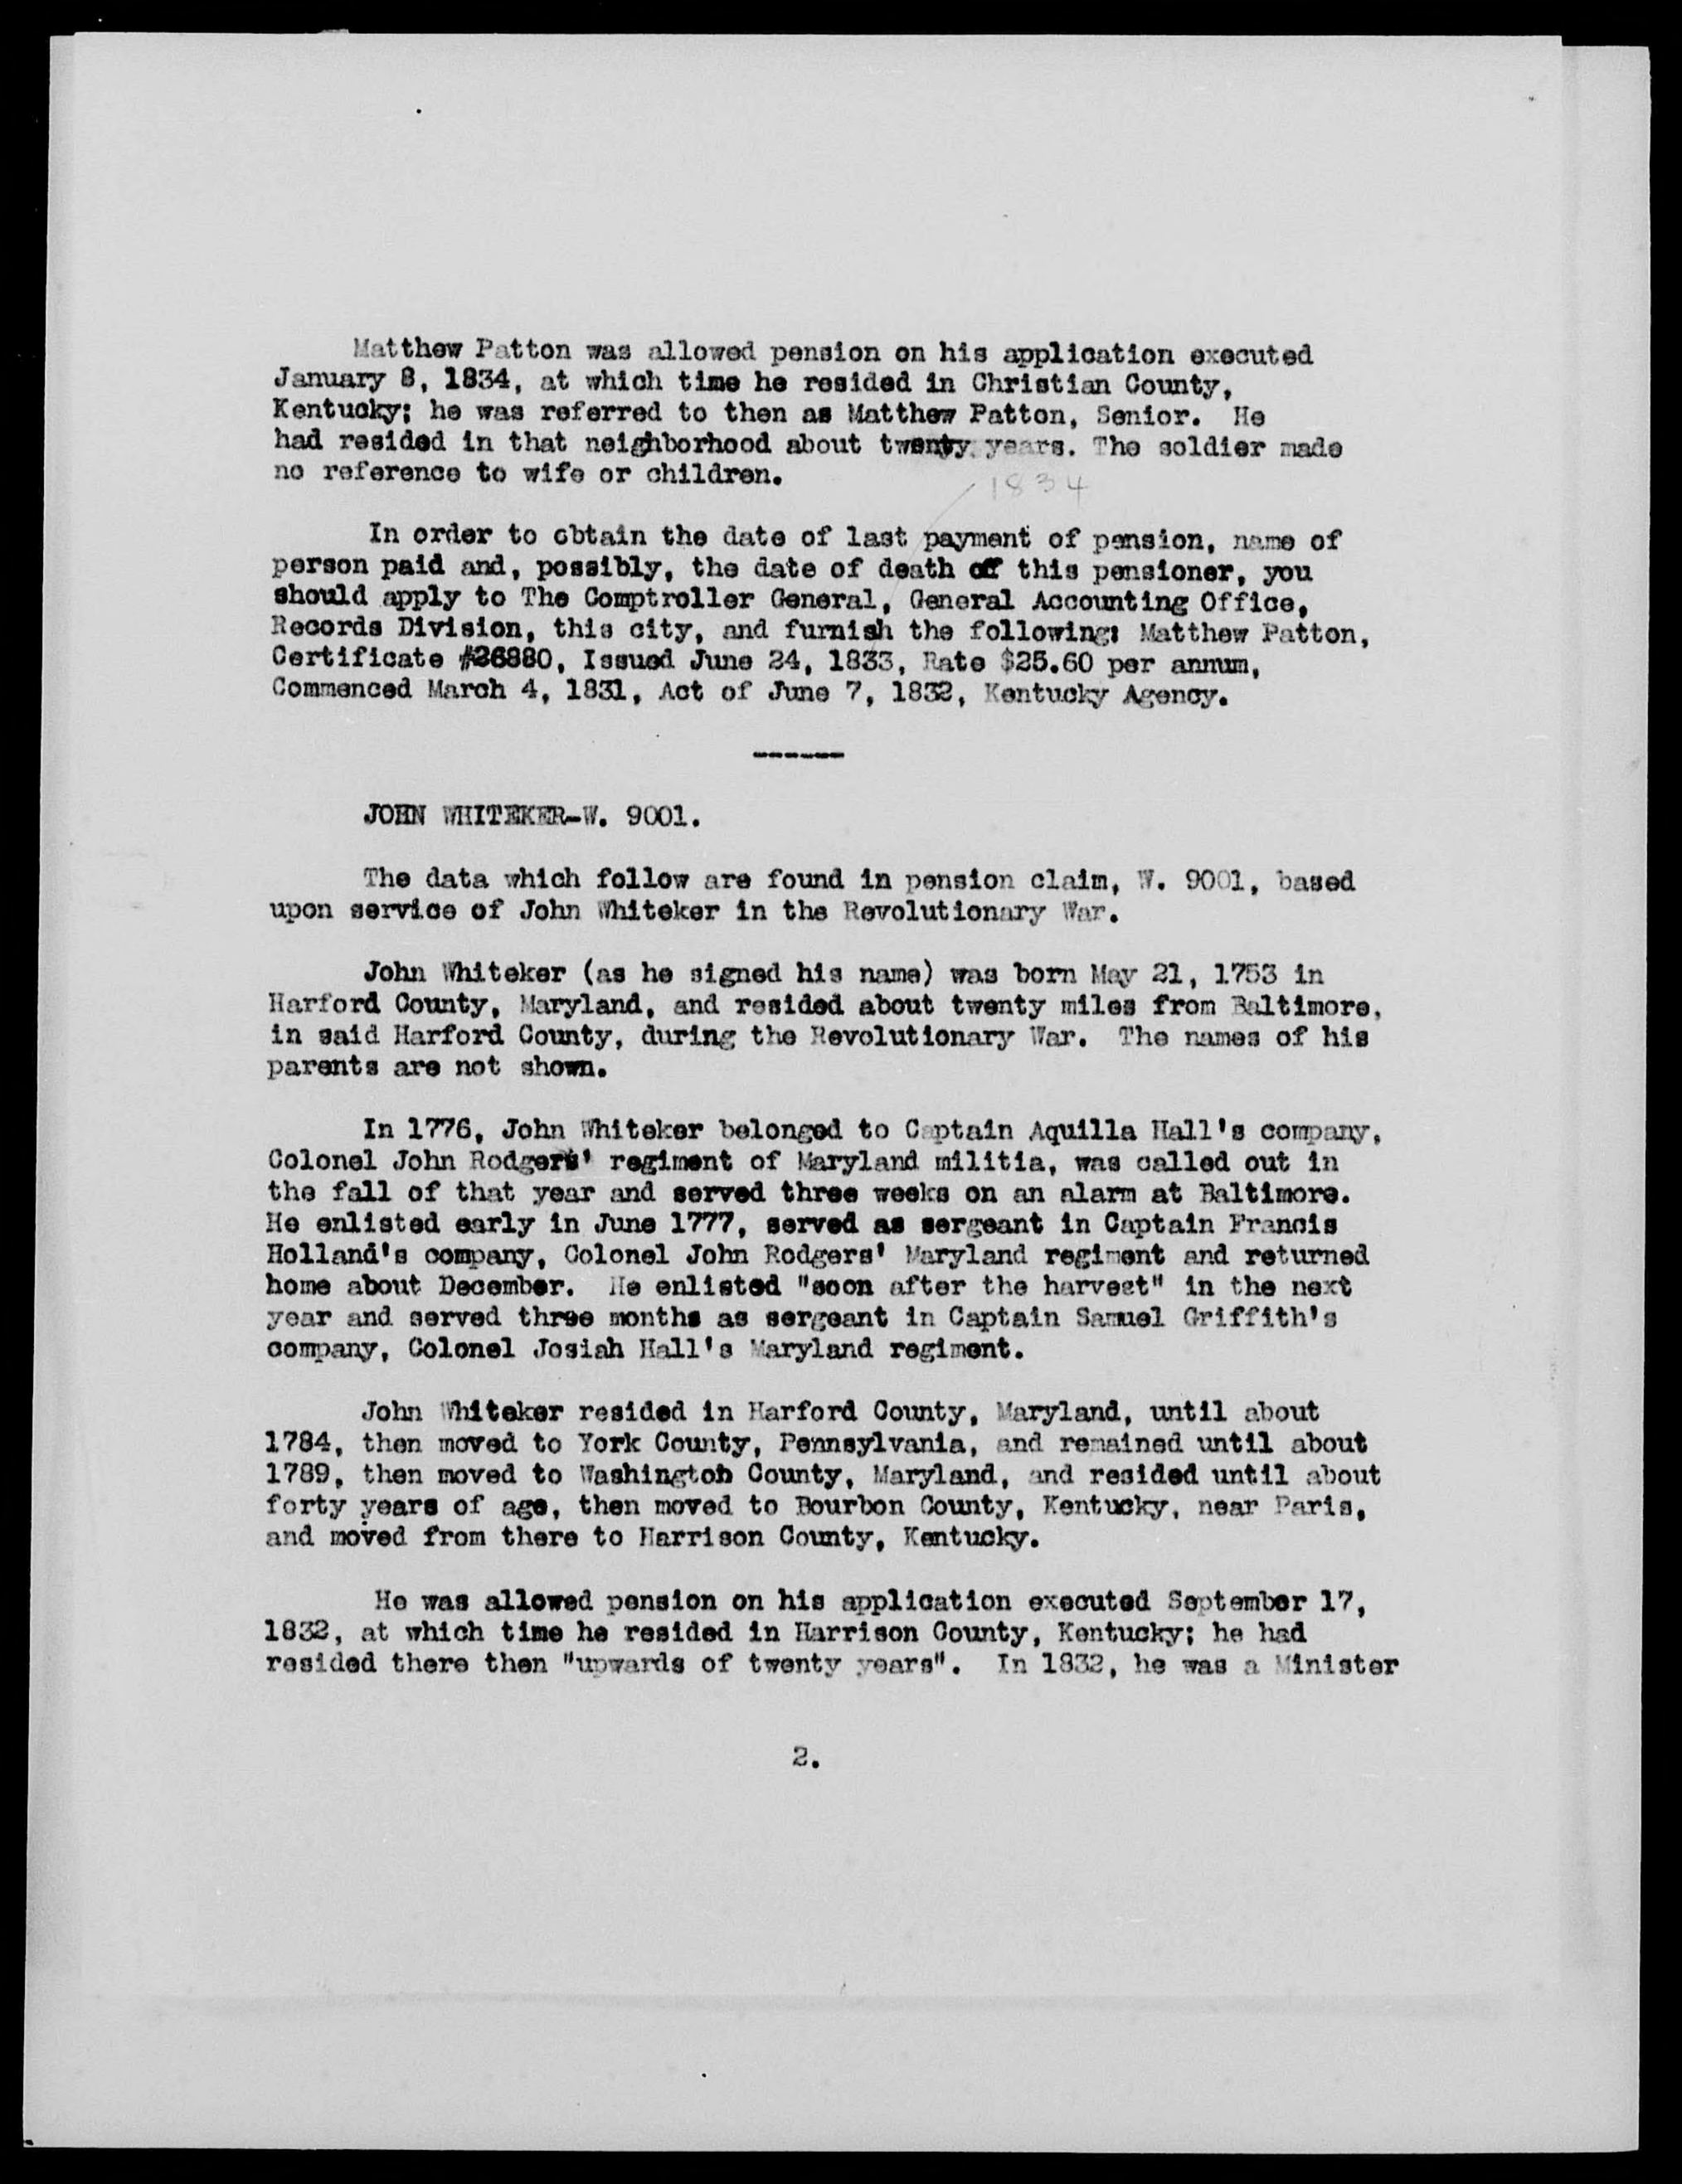Matthew Patton was allowed pension on his application executed January 8, 1834, at which time he resided in Christian County, Kentucky; he was referred to then as Matthew Patton, Senior. He had resided in that neighborhood about twenty years. The soldier made no reference to wife or children.

In order to obtain the date of last payment of pension, name of person paid and, possibly, the date of death of this pensioner, you should apply to The Comptroller General, General Accounting Office, Records Division, this city, and furnish the following: Matthew Patton, Certificate #26880, issued June 24, 1833, Rate $25.60 per annum, Commenced March 4, 1831, Act of June 7, 1832, Kentucky Agency.

JOHN WHITAKER — W. 9001.

The data which follow are found in pension claim, W. 9001, based upon service of John Whitaker in the Revolutionary War:

John Whitaker (as he signed his name) was born May 21, 1753 in Harford County, Maryland, and resided about twenty miles from Baltimore, in said Harford County, during the Revolutionary War. The names of his parents are not shown.

In 1776, John Whitaker belonged to Captain Aquilla Hall’s company, Colonel John Rodgers’ regiment of Maryland militia, was called out in the fall of that year and served three weeks on an alarm at Baltimore. He enlisted early in June 1777, served as sergeant in Captain Francis Holland’s company, Colonel John Rodgers’ Maryland regiment and returned home about December. He enlisted “soon after the harvest” in the next year and served three months as sergeant in Captain Samuel Griffith’s company, Colonel Josiah Hall’s Maryland regiment.

John Whitaker resided in Harford County, Maryland, until about 1784, then moved to York County, Pennsylvania, and remained until about 1789, then moved to Washington County, Maryland, and resided until about forty years of age, then moved to Bourbon County, Kentucky, near Paris, and moved from there to Harrison County, Kentucky.

He was allowed pension on his application executed September 17, 1832, at which time he resided in Harrison County, Kentucky; he had resided there then “upwards of twenty years”. In 1832, he was a Minister.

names: Matthew Patton; John Whiteker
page: 36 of 45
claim: survivor's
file: S. 31294, for Matthew Patton, Maryland